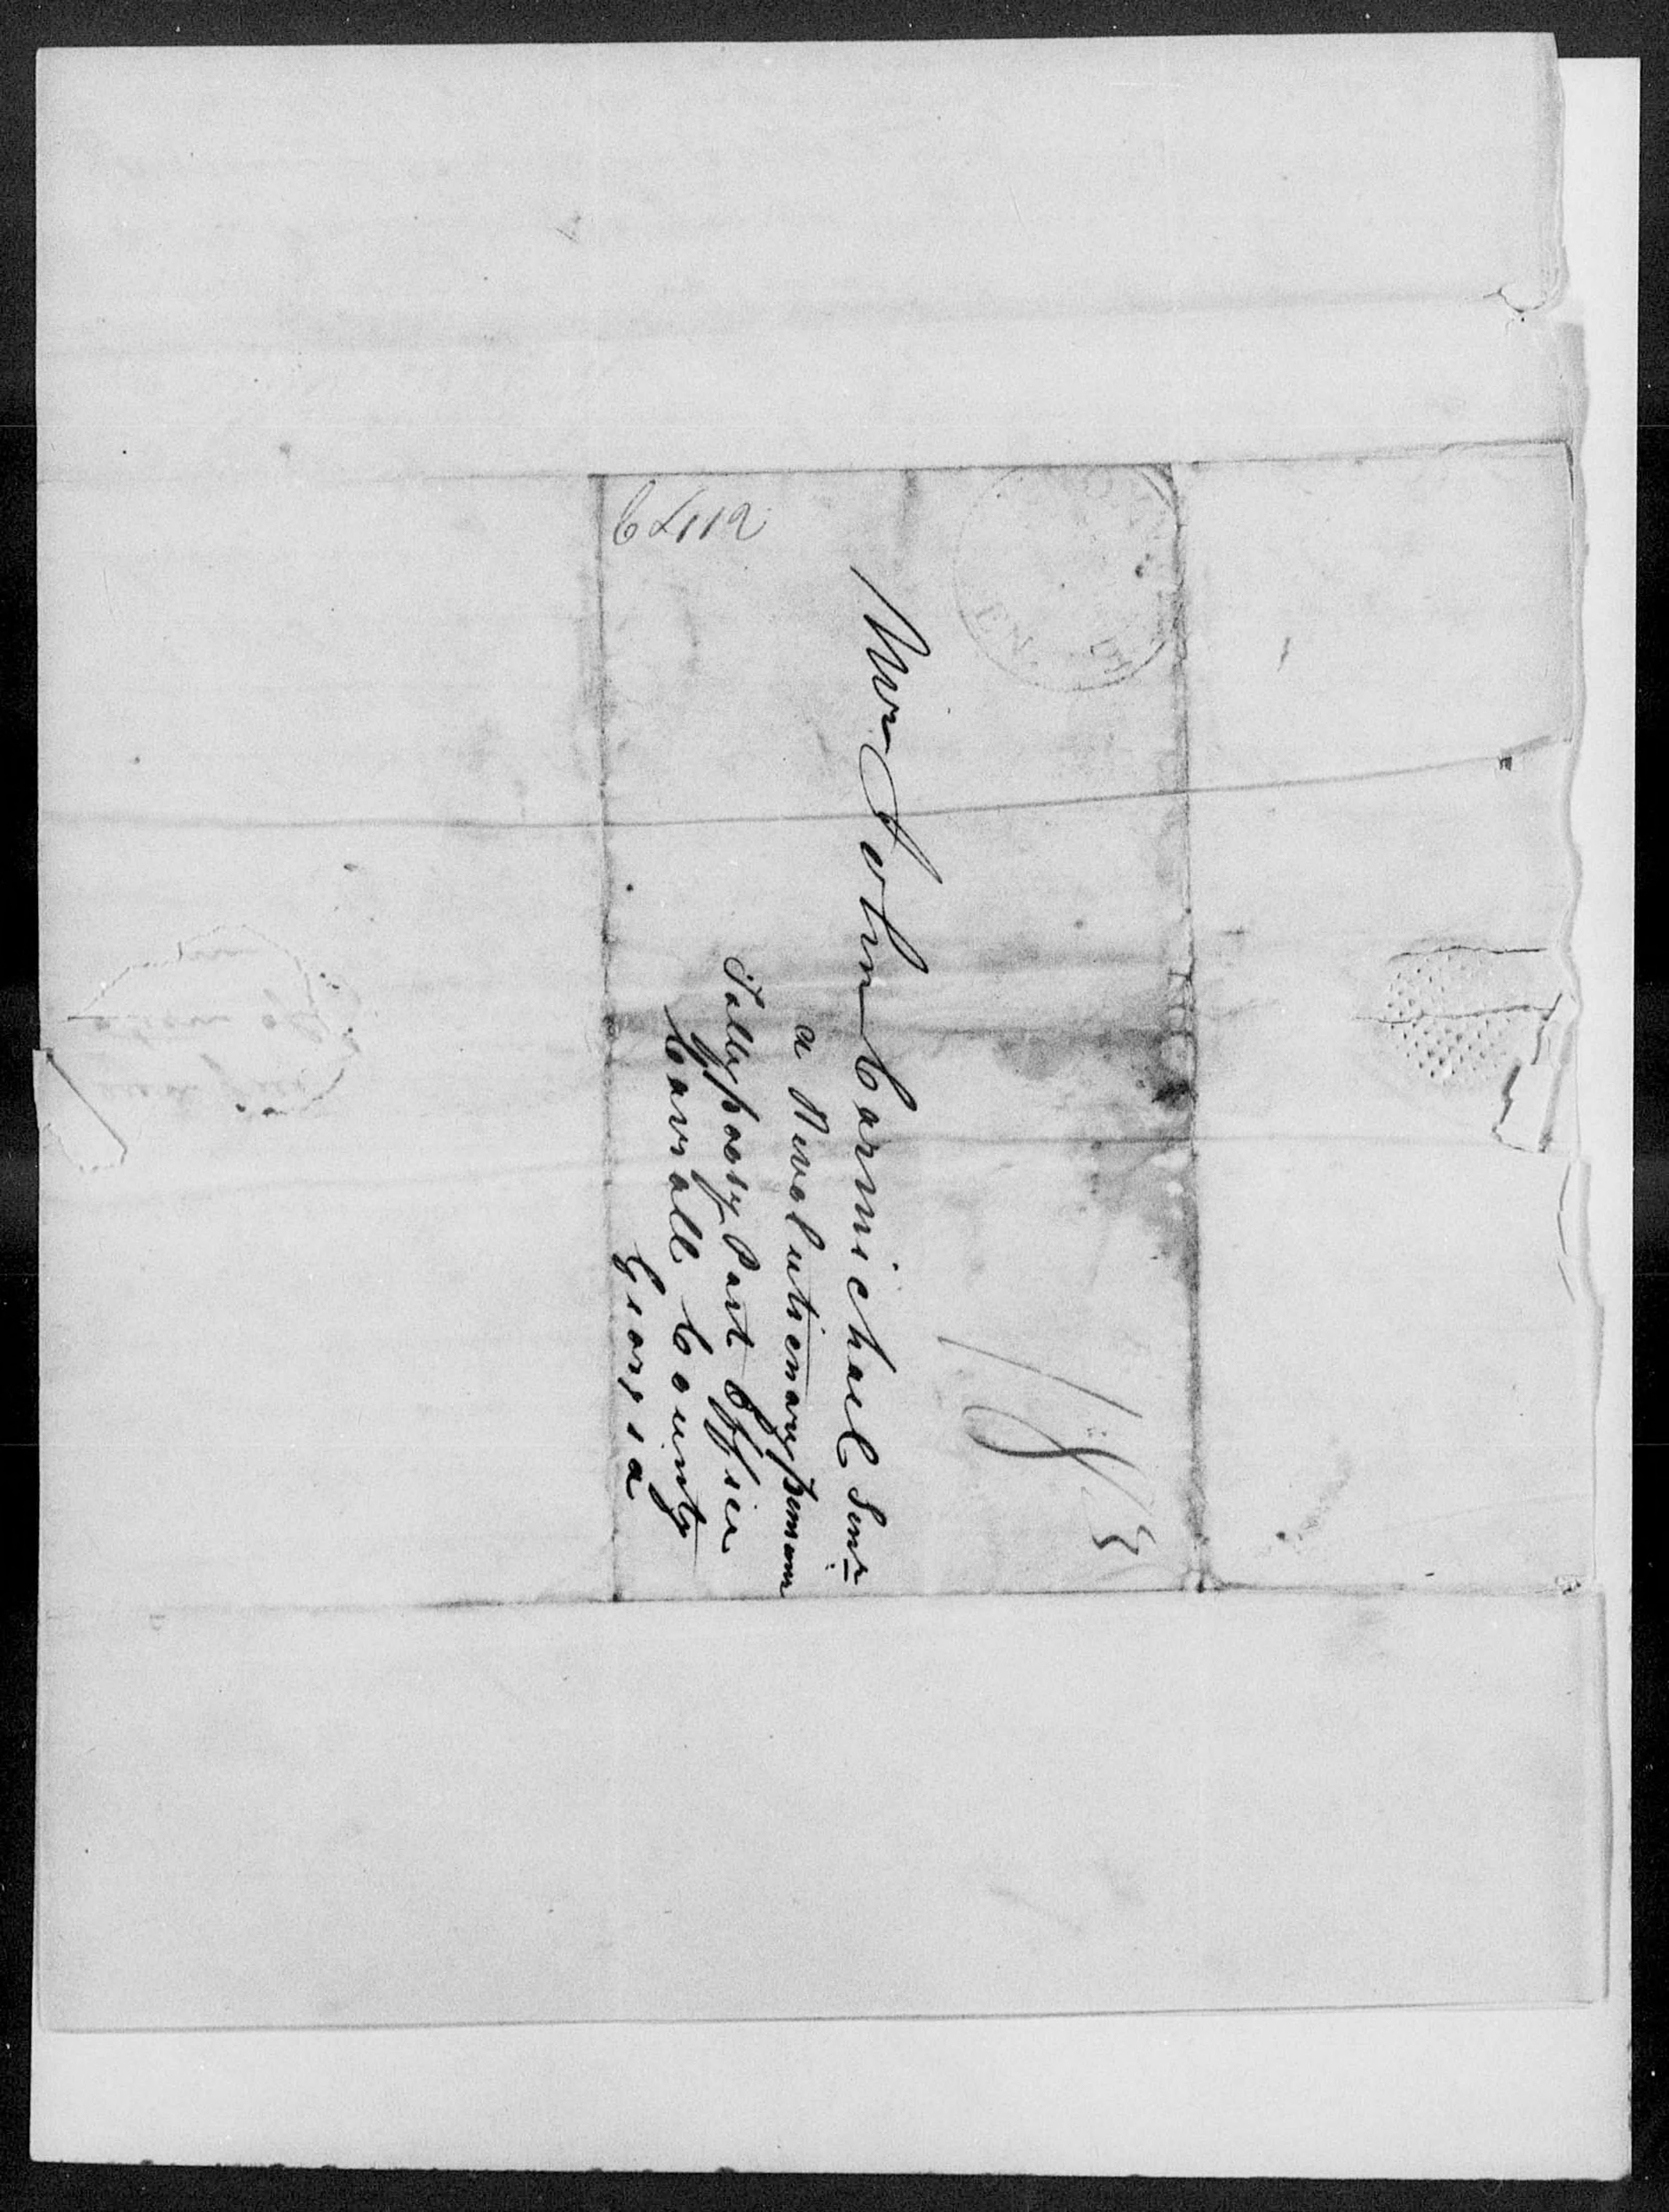18?

Mr. John Carmichael
A revolutionary pensioner
Tallapoosa Post Office
Carroll County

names: John Carmichael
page: 16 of 42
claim: survivor's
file: S. 31,595, John Carmickele, Penn.